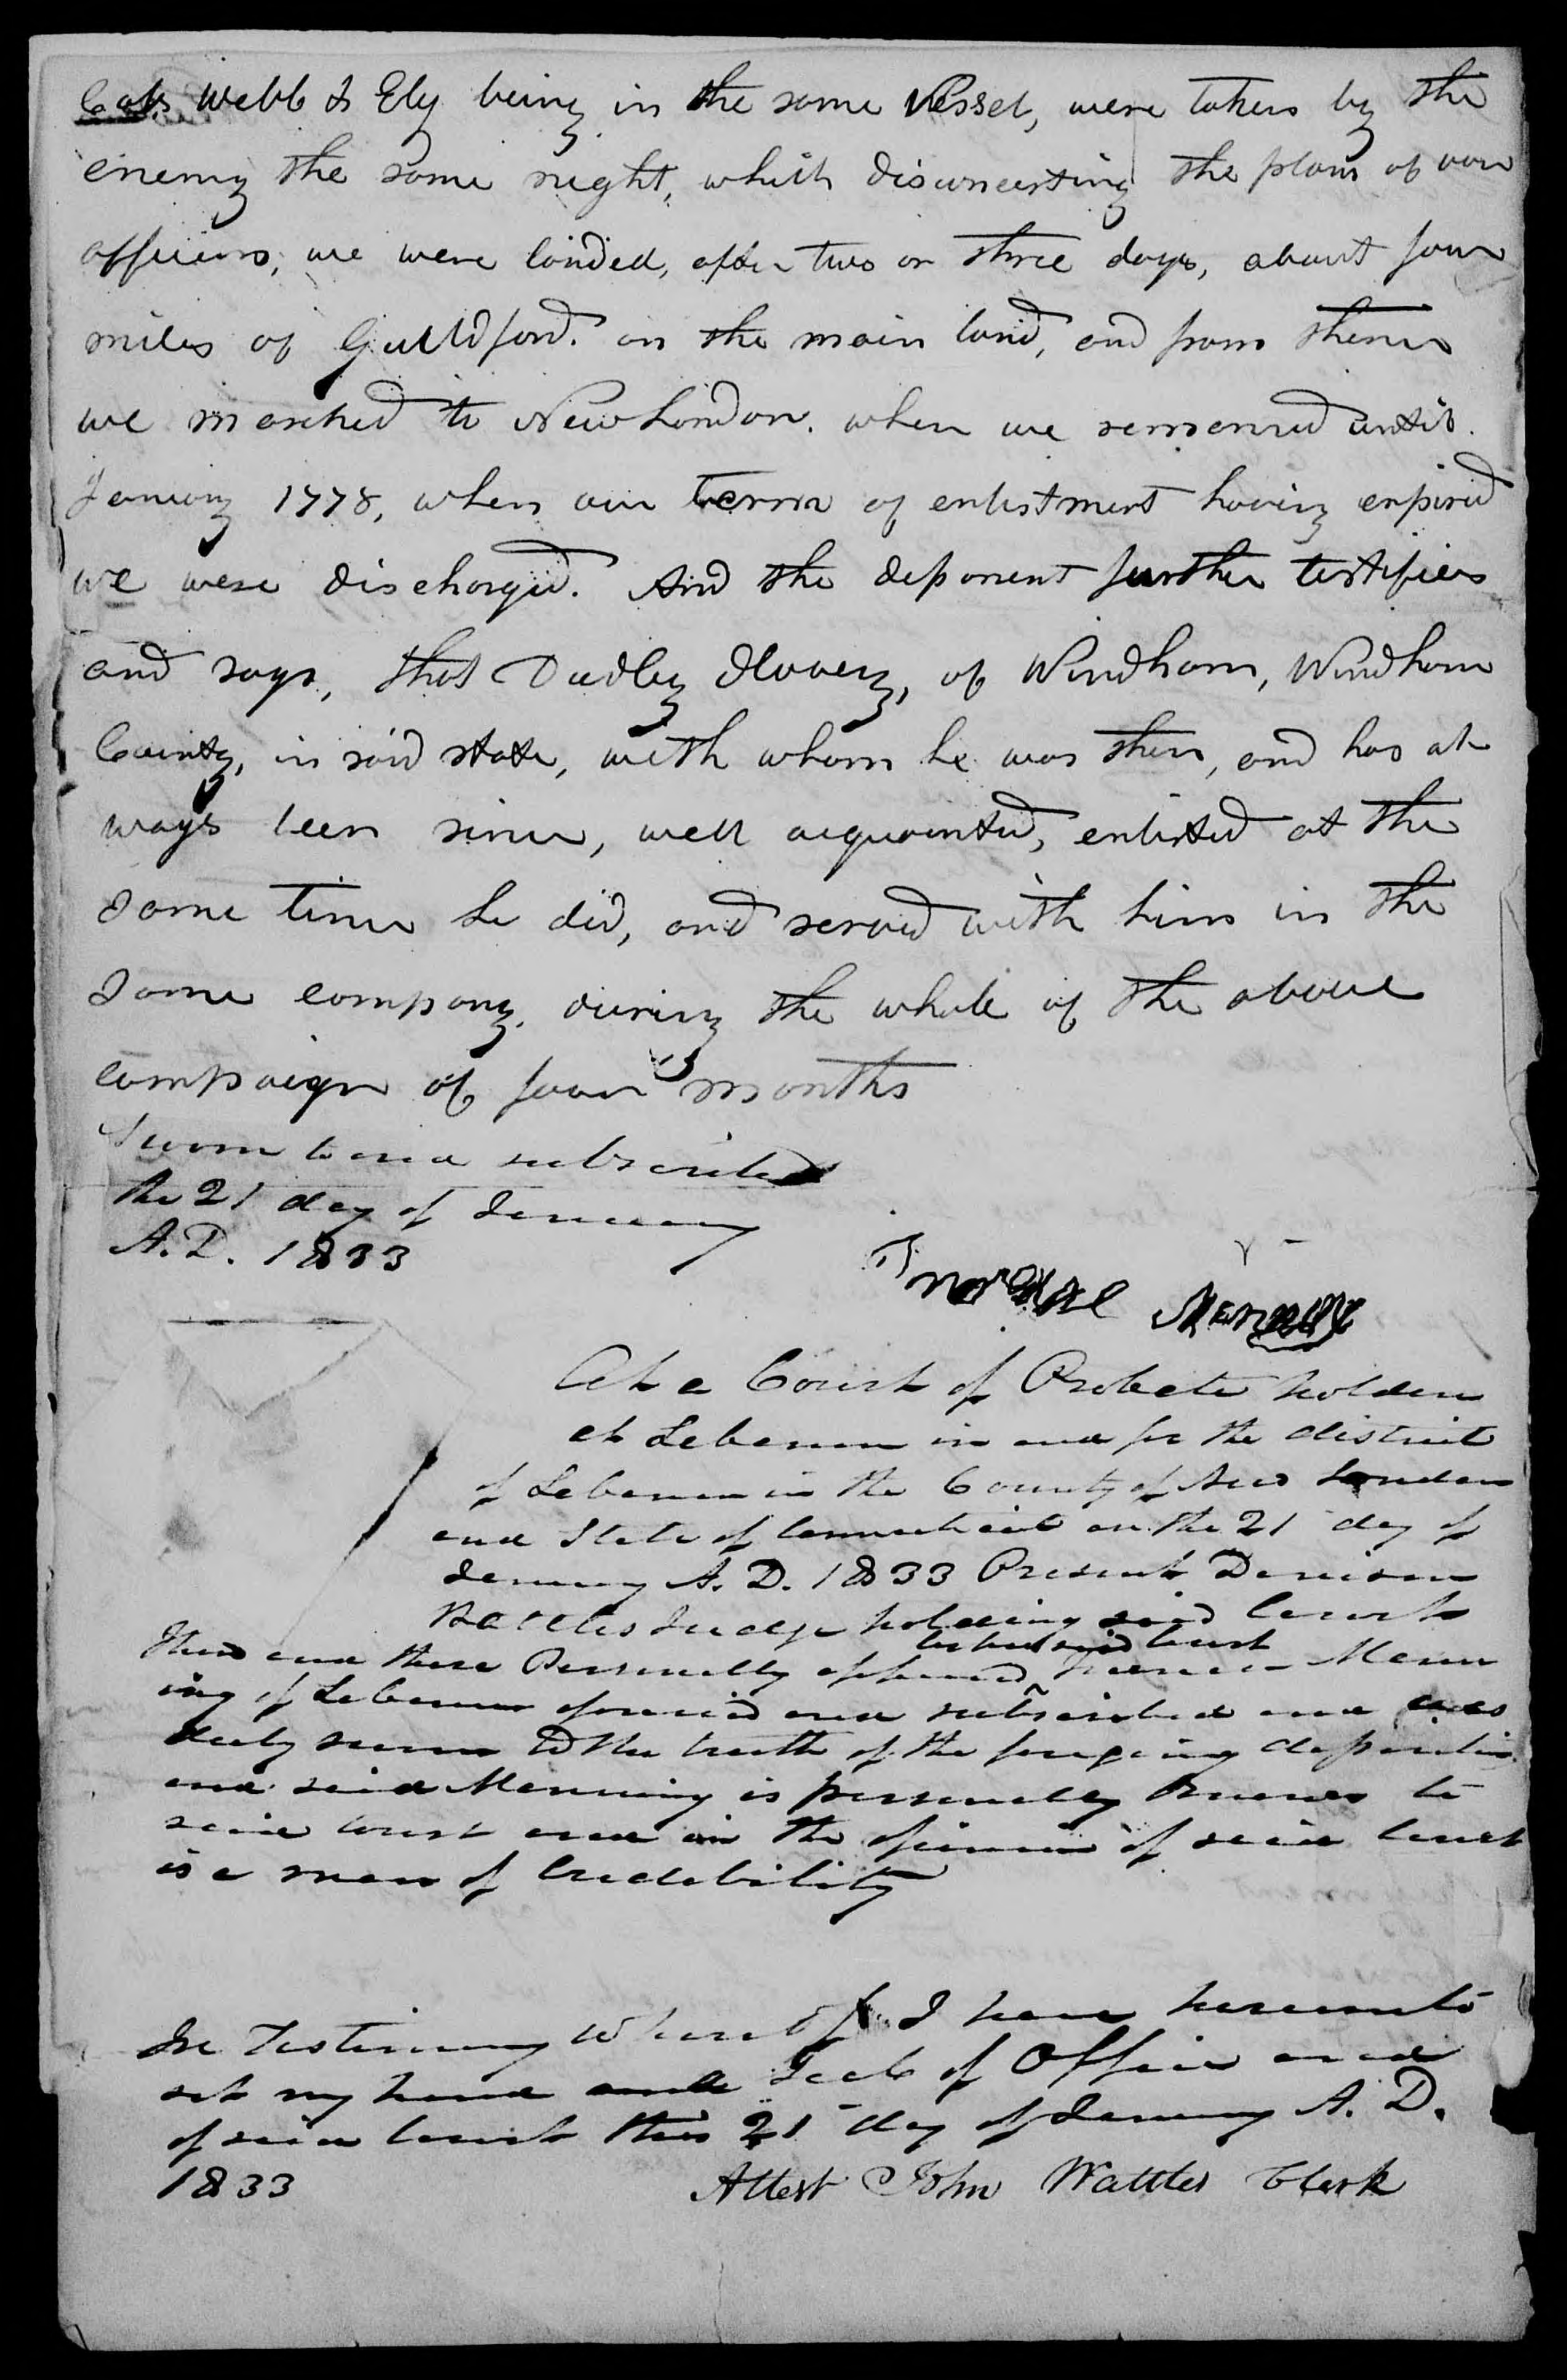Cols Webb & Ely being in the same vessel, were taken by the enemy the same night which disconcerting the plans of our officers, we were landed, after two or three days, about four miles of Guildford on the main land, and from there we marched to New London, where we remained until January 1778, when our terms of enlistment having expired we were discharged. And the deponent further testifies and says, that Dudley Hovey, of Windham, Windham County, in said state, with whom he was then, and as always been since, well acquainted, enlisted at the same time he did, and served with him in the same company during the whole of the above campaign of four months.
Sworn to and subscribed
the 21 day of January 
A.D. 1833
Increase Manning
At a Court of Probate holden at Lebanon in and for the district of Lebanon in the County of New London and State of Connecticut on the 21 day of January A.D. 1833 [illegible] Nattles Judge holding said Court to then cause those Personally appeared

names: Ely, John Wattles, Increase Manning, Cass Webb, Dudley Hovey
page: 12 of 13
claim: survivor's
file: S. 18451, Dudley Hovey, Conn.